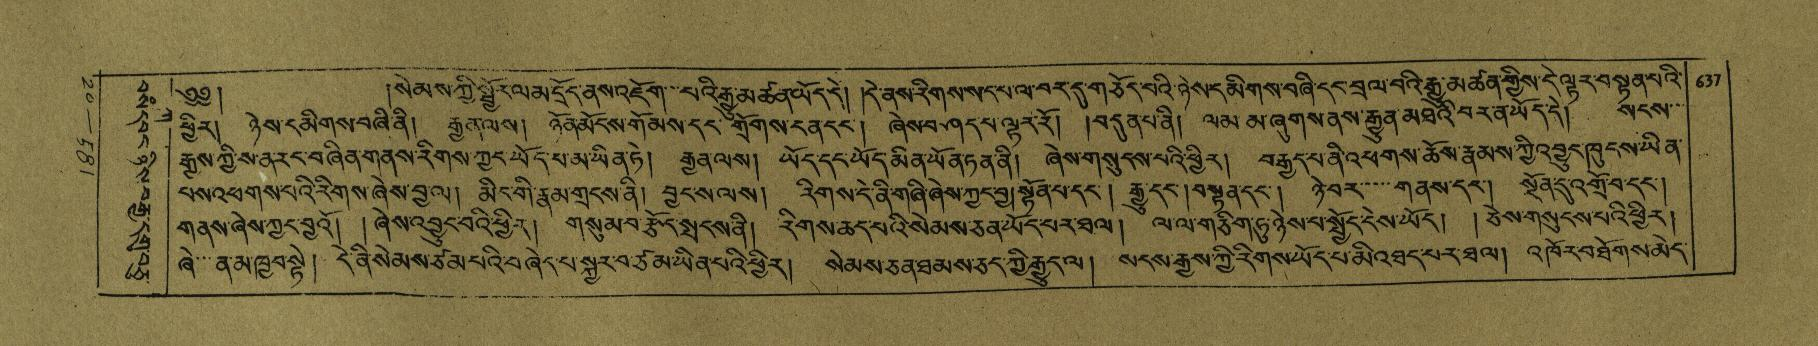༄༅། །སེམས་ཀྱི་སྦྱོར་ལམ་དྲོད་ནས་འཇོག་པའི་རྒྱུ་མཚན་ཡོད་དེ། །དེ་ནས་རིགས་སད་པ་ལ་བར་དུ་གཅོད་པའི་ཉེས་དམིགས་བཞི་དང་བྲལ་བའི་རྒྱུ་མཚན་གྱིས་དེ་ལྟར་བསྟན་པའི་
ཕྱིར། ཉེས་དམིགས་བཞི་ནི། རྒྱན་ལས། ཉོན་མོངས་གོམས་དང་གྲོགས་ངན་དང་། ཞེས་བཤད་པ་ལྟར་རོ། །བདུན་པ་ནི། ལམ་མ་ཞུགས་ནས་རྒྱུན་མཐའི་བར་ན་ཡོད་དེ། སངས་
རྒྱས་ཀྱི་ས་ན་རང་བཞིན་གནས་རིགས་ཀྱང་ཡོད་པ་མ་ཡིན་ཏེ། རྒྱན་ལས། ཡོད་དང་ཡོད་མིན་ཡོན་ཏན་ནི། ཞེས་གསུངས་པའི་ཕྱིར། བརྒྱད་པ་ནི་འཕགས་ཆོས་རྣམས་ཀྱི་འབྱུང་ཁུངས་ཡིན་
པས་འཕགས་པའི་རིགས་ཞེས་བྱ་ལ། མིང་གི་རྣམ་གྲངས་ནི། བྱང་ས་ལས། རིགས་དེ་ནི་གཞི་ཞེས་ཀྱང་བྱ། སྟོན་པ་དང་། རྒྱུ་དང་། བསྟན་དང་། ཉེ་བར་གནས་དང་། སྔོན་དུ་འགྲོ་བ་དང་།
གནས་ཞེས་ཀྱང་བྱའོ། །ཞེས་འབྱུང་བའི་ཕྱིར། གསུམ་བ་རྩོད་སྤངས་ནི། རིགས་ཆད་པའི་སེམས་ཅན་ཡོད་པར་ཐལ། ལ་ལ་གཅིག་ཏུ་ཉེས་པ་སྤྱོད་ངེས་ཡོད། །ཅེས་གསུངས་པའི་ཕྱིར།
ཞེ་ན་མ་ཁྱབ་སྟེ། དེ་ནི་སེམས་ཙམ་པའི་བཞེད་པ་སྐྱར་བ་ཙམ་ཡིན་པའི་ཕྱིར། སེམས་ཅན་ཐམས་ཅད་ཀྱི་རྒྱུད་ལ། སངས་རྒྱས་ཀྱི་རིགས་ཡོད་པ་མི་འཐད་པར་ཐལ། འཁོར་བ་ཐོགས་མེད་